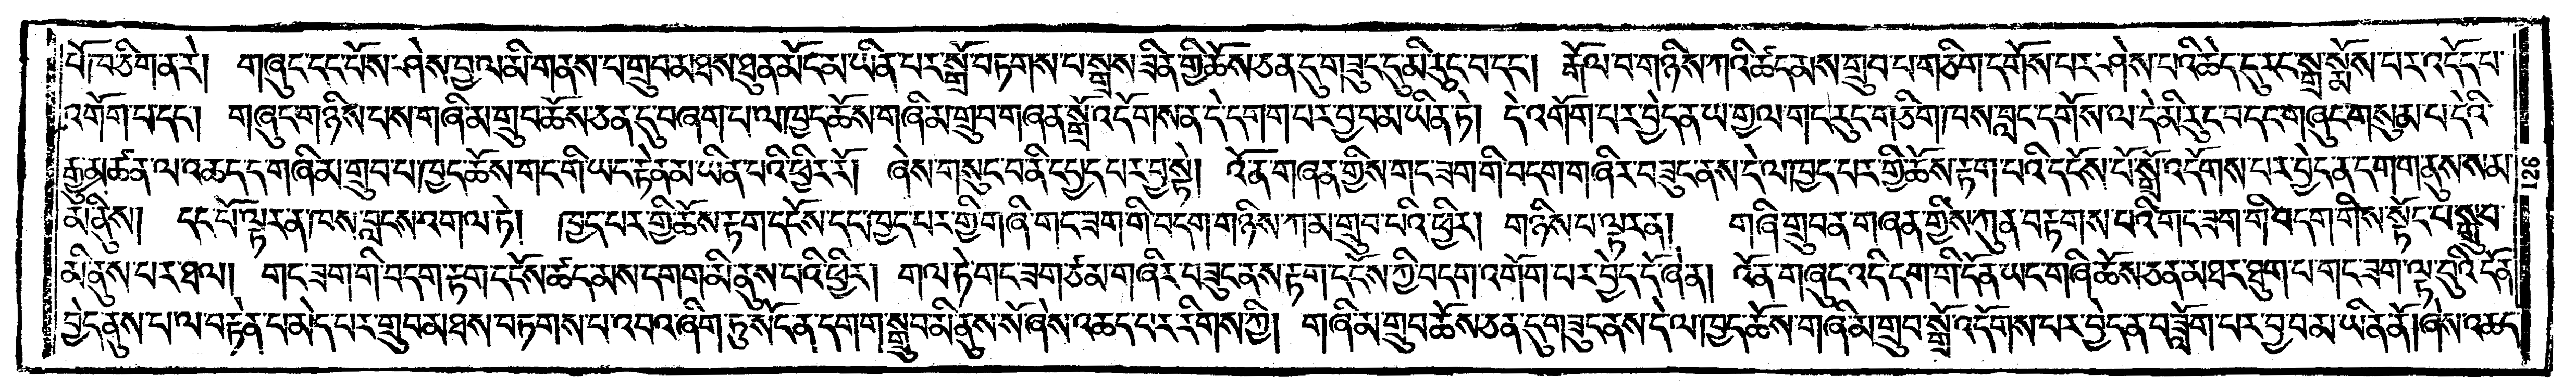པོ་ཁ་ཅིག་ན་རེ། གཞུང་དང་པོས་ཤེས་བྱ་ལ་མི་གནས་པ་གྲུབ་མཐས་ཐུན་མོང་མ་ཡིན་པར་སྒྲོ་བཏགས་པ་སྒྲས་ཟིན་གྱི་ཆོས་ཅན་དུ་གཟུང་དུ་མི་རུང་བ་དང་། རྒོལ་པ་གཉིས་ཀའི་ཚད་མས་གྲུབ་པ་གཅིག་དགོས་པར་ཤེས་པའི་ཆེད་དུ་རང་སྒྲ་སྨོས་པར་འདོད་པ་
འགོག་པ་དང་། གཞུང་གཉིས་པས་གཞི་མ་གྲུབ་ཆོས་ཅན་དུ་བཞག་པ་ལ་ཁྱད་ཆོས་གཞི་མ་གྲུབ་གཞན་སྒྲོ་འདོགས་ན་དེ་དགག་པར་བྱ་བ་མ་ཡིན་ཏེ། དེ་འགོག་པར་བྱེད་ན་ཡ་གྱལ་གང་རུང་གཅིག་ཁས་བླང་དགོས་ལ་དེ་མི་རུང་བ་དང་གཞུང་གསུམ་པ་དེའི་
རྒྱ་མཚན་ལ་འཆད་ད་གཞི་མ་གྲུབ་པ་ཁྱད་ཆོས་གང་གི་ཡང་རྟེན་མ་ཡིན་པའི་ཕྱིར་རོ། ཞེས་གསུང་བ་ནི་དཔྱད་པར་བྱ་སྟེ། འོ་ན་གཞན་གྱིས་གང་ཟག་གི་བདག་གཞིར་བཟུང་ནས་དེ་ལ་ཁྱད་པར་གྱི་ཆོས་རྟག་པའི་དངོས་པོ་སྒྲོ་འདོགས་པར་བྱེད་ན་དགག་ནུས་སམ་
མི་ནུས། དང་པོ་ལྟར་ན་ཁས་བླངས་འགལ་ཏེ། ཁྱད་པར་གྱི་ཆོས་རྟག་དངོས་དང་ཁྱད་པར་གྱི་གཞི་གང་ཟག་གི་བདག་གཉིས་ཀ་མ་གྲུབ་པའི་ཕྱིར། གཉིས་པ་ལྟར་ན། གཞི་གྲུབ་ན་གཞན་གྱིས་ཀུན་བརྟགས་པའི་གང་ཟག་གི་བདག་གིས་སྟོང་པ་སྒྲུབ་
མི་ནུས་པར་ཐལ། གང་ཟག་གི་བདག་རྟག་དངོས་ཚད་མས་དགག་མི་ནུས་པའི་ཕྱིར། གལ་ཏེ་གང་ཟག་ཙམ་གཞིར་བཟུང་ནས་རྟག་དངོས་ཀྱི་བདག་འགོག་པར་བྱེད་དོ་ཞེ་ན། འོ་ན་གཞུང་འདི་དག་གི་དོན་ཡང་གཞི་ཆོས་ཅན་མཐར་ཐུག་པ་གང་ཟག་ལྟ་བུའི་དོན་
བྱེད་ནུས་པ་ལ་བརྟེན་པ་མེད་པར་གྲུབ་མཐས་བཏགས་པ་འབའ་ཞིག་ཏུ་སོང་ན་དགག་སྒྲུབ་མི་ནུས་སོ་ཞེས་འཆད་པར་རིགས་ཀྱི། གཞི་མ་གྲུབ་ཆོས་ཅན་དུ་གཟུང་ནས་དེ་ལ་ཁྱད་ཆོས་གཞི་མ་གྲུབ་སྒྲོ་འདོགས་པར་བྱེད་ན་བཟློག་པར་བྱ་བ་མ་ཡིན་ནོ། ཞེས་འཆད་